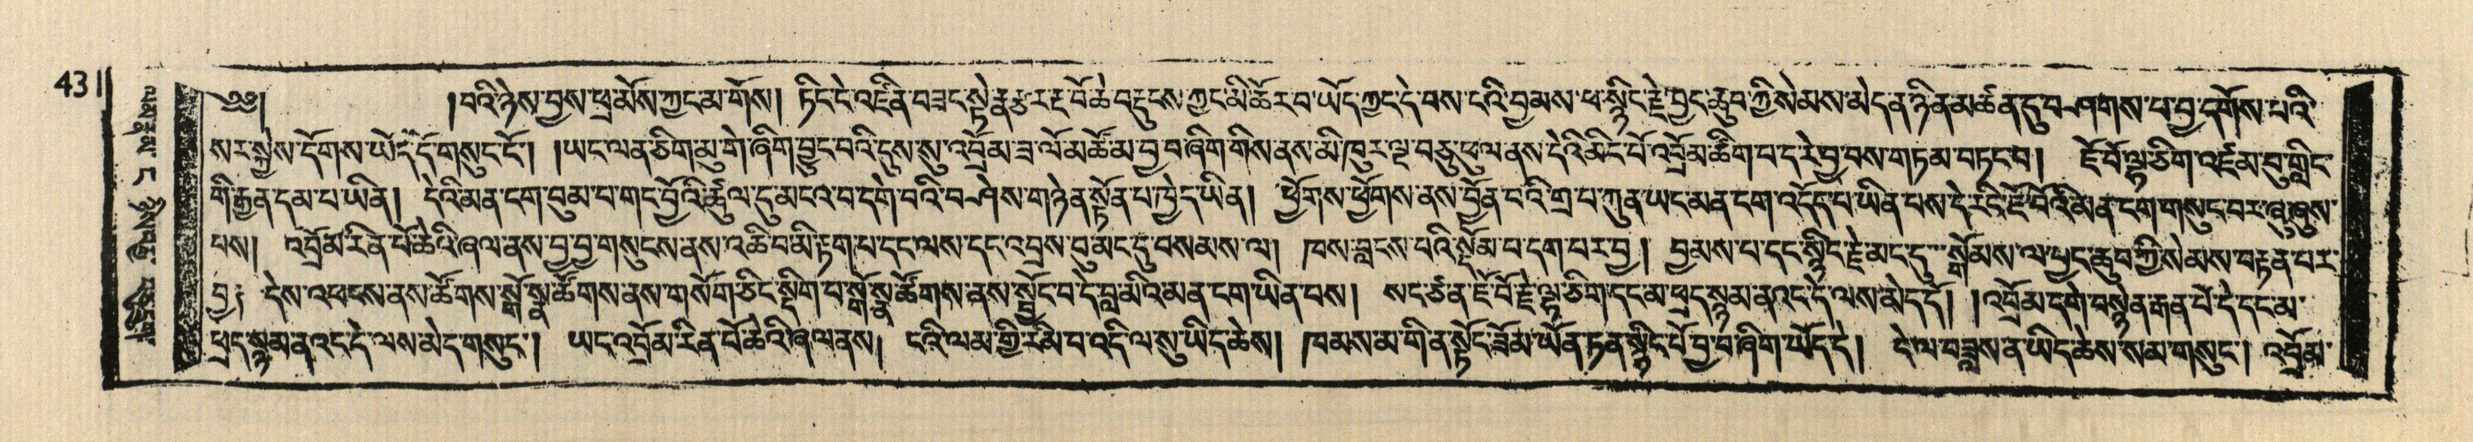༄༅། །བའི་ཉེས་བྱས་ཕྲ་མོས་ཀྱང་མ་གོས། ཏིང་ངེ་འཛིན་བཟང་སྟེ་རྣ་རྩར་རྔ་བོ་ཆེ་བརྡུངས་ཀྱང་མི་ཆོར་བ་ཡོད་ཀྱང་དེ་བས་ངའི་བྱམས་ཕ་སྙིང་རྗེ་བྱང་ཆུབ་ཀྱི་སེམས་མེད་ན་ཉིན་མཚན་དུ་བཤགས་པ་བྱ་དགོས་པའི་
སར་སྐྱེས་དོགས་ཡོད་དོ་གསུང་ངོ། །ཡང་ལན་ཅིག་མུ་གེ་ཞིག་བྱུང་བའི་དུས་སུ་འབྲོམ་ཟ་ལོ་མཚོ་མ་བྱ་བ་ཞིག་གིས་ནས་མི་ཁུར་ལྔ་བཅུ་ཕུལ་ནས་དེའི་མིང་པོ་འབྲོམ་ཚིག་བ་ད་རེ་བྱ་བས་གཏམ་བཏང་བ། ཇོ་བོ་ལྷ་ཅིག་འཛམ་བུ་གླིང་
གི་རྒྱན་དམ་པ་ཡིན། དེའི་མན་ངག་བུམ་པ་གང་བྱོའི་ཚུལ་དུ་མངའ་བ་དགེ་བའི་བཤེས་གཉེན་སྟོན་པ་ཁྱེད་ཡིན། ཕྱོགས་ཕྱོགས་ནས་བྱོན་བའི་གྲ་པ་ཀུན་ཡང་མན་ངག་འདོད་པ་ཡིན་པས་དེ་རིང་ཇོ་བོའི་མན་ངག་གསུང་བར་ཞུ་ཞུས་
པས། འབྲོམ་རིན་པོ་ཆེའི་ཞལ་ནས་བྱ་བྱ་གསུངས་ནས་འཆི་བ་མི་རྟག་པ་དང་ལས་དང་འབྲས་བུ་མང་དུ་བསམས་ལ། ཁས་བླངས་པའི་སྔོམ་བ་དག་པར་བྱ། བྱམས་པ་དང་སྙིང་རྗེ་མང་དུ་སྒོམས་ལ་བྱང་ཆུབ་ཀྱི་སེམས་བརྟན་པར་
བྱ༑ དེས་འཕགས་ནས་ཚོགས་སྒོ་སྣ་ཚོགས་ནས་གསོག་ཅིང་སྡིག་བ་སྒོ་སྣ་ཚོགས་ནས་སྦྱོང་བ་དེ་བླ་མའི་མན་ངག་ཡིན་བས། སང་ཙ་ན་ཇོ་བོ་རྗེ་ལྷ་ཅིག་དང་མ་ཕྲད་སྙམ་ནའང་དེ་ལས་མེད་དོ། །འབྲོམ་དགེ་བསྙེན་རྒན་པོ་དེ་དང་མ་
ཕྲད་སྙམ་ནའང་དེ་ལས་མེད་གསུང་། ཡང་འབྲོམ་རིན་པོ་ཆེའི་ཞལ་ནས། ངའི་ལམ་གྱི་རིམ་བ་འདི་ལ་སུ་ཡིད་ཆེས། ཁམས་མ་གི་ན་སྟོང་ཟོམ་ཡོན་ཏན་སྙིང་པོ་བྱ་བ་ཞིག་ཡོད་དེ། དེ་ལ་བཟླས་ན་ཡིད་ཆེས་སམ་གསུང་། འབྲོམ་